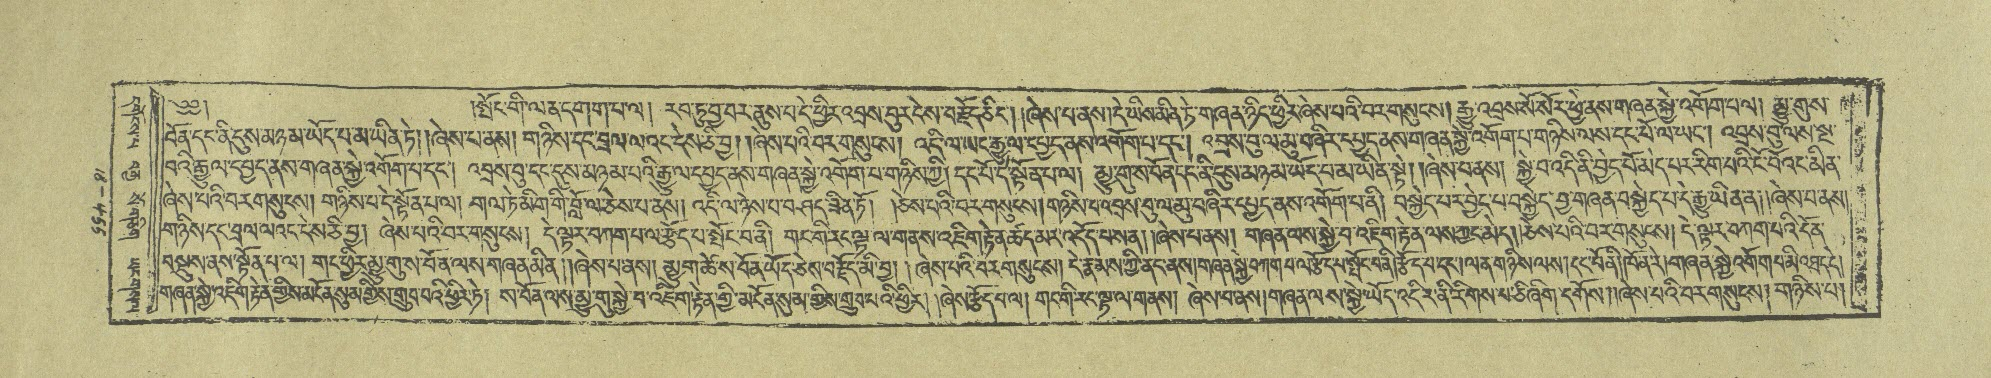༄༅། །སྤོང་གི་ལན་དགག་པ་ལ། རབ་ཏུ་བྱ་བར་ནུས་པ་དེ་ཕྱིར་འབྲས་བུར་ངེས་བརྗོད་ཅིང་། །ཞེས་པ་ནས། དེ་ཡིས་མིན་ཏེ་གཞན་ཉིད་ཕྱིར་ཞེས་པའི་བར་གསུངས། རྒྱུ་འབྲས་སོ་སོར་ཕྱེ་ནས་གཞན་སྐྱེ་འགོག་པ་ལ། མྱུ་གུ་ས་
བོན་དང་ནི་དུས་མཉམ་ཡོད་པ་མ་ཡིན་ཏེ། །ཞེས་པ་ནས། གཉིས་དང་བྲལ་ལའང་དེས་ཅི་བྱ། །ཞེས་པའི་བར་གསུངས། འདི་ལ་ཡང་རྒྱུ་ལ་དཔྱད་ནས་འགོག་པ་དང་། འབྲས་བུ་ལ་མུ་བཞིར་དཔྱད་ནས་གཞན་སྐྱེ་འགོག་པ་གཉིས་ལས་དང་པོ་ལ་ཡང་། འབྲས་བུ་ལས་སྔ་
བའི་རྒྱུ་ལ་དཔྱད་ནས་གཞན་སྐྱེ་འགོག་པ་དང་། འབྲས་བུ་དང་དུས་མཉམ་པའི་རྒྱུ་ལ་དཔྱད་ནས་གཞན་སྐྱེ་འགོག་པ་གཉིས་ཀྱི། དང་པོ་དེ་སྟོན་པ་ལ། མྱུ་གུ་ས་བོན་དང་ནི་དུས་མཉམ་ཡོད་པ་མ་ཡིན་སྟེ། །ཞེས་པ་ནས། སྐྱེ་བ་འདི་ནི་བྱེད་པོ་མེད་པར་རིག་པའི་ངོ་བོའང་མིན་
ཞེས་པའི་བར་གསུངས། གཉིས་པ་དེ་སྟོན་པ་ལ། གལ་ཏེ་མིག་གི་བློ་ལ་ཅེས་པ་ནས། འདི་ལ་ཉེས་པ་བཤད་ཟིན་ཏོ། །ཅེས་པའི་བར་གསུངས། གཉིས་པ་འབྲས་བུ་ལ་མུ་བཞིར་དཔྱད་ནས་འགོག་པ་ནི། བསྐྱེད་པར་བྱེད་པ་བསྐྱེད་བྱ་གཞན་བསྐྱེད་པ་དེ་རྒྱུ་ཡིན་ན། །ཞེས་པ་ནས་
གཉིས་དང་བྲལ་ལའང་དེས་ཅི་བྱ། ཞེས་པའི་བར་གསུངས། དེ་ལྟར་བཀག་པ་ལ་རྩོད་པ་སྤོང་བ་ནི། གང་གི་རང་ལྟ་ལ་གནས་འཇིག་རྟེན་ཚད་མར་འདོད་པས་ན། །ཞེས་པ་ནས། གཞན་ལས་སྐྱེ་བ་འཇིག་རྟེན་ལས་ཀྱང་མེད། །ཅེས་པའི་བར་གསུངས། དེ་ལྟར་བཀག་པའི་དོན་
བསྡུས་ནས་སྟོན་པ་ལ། གང་ཕྱིར་མྱུ་གུ་ས་བོན་ལས་གཞན་མིན། །ཞེས་པ་ནས། མྱུག་ཚེ་ས་བོན་ཡོད་ཅེས་བརྗོད་མི་བྱ། །ཞེས་པའི་བར་གསུངས། དེ་རྣམས་ཀྱི་ནང་ནས། གཞན་སྐྱེ་བཀག་པ་ལ་རྩོད་པ་སྤོང་བ་ནི། རྩོད་པ་དང་། ལན་གཉིས་ལས། དང་པོ་ནི། ཁོ་ན་རེ། གཞན་སྐྱེ་འགོག་པ་མི་འཐད་དེ།
གཞན་སྐྱེ་འཇིག་རྟེན་གྱིས་མངོན་སུམ་གྱིས་གྲུབ་པའི་ཕྱིར་ཏེ། ས་བོན་ལས་མྱུ་གུ་སྐྱེ་བ་འཇིག་རྟེན་གྱི་མངོན་སུམ་གྱིས་གྲུབ་པའི་ཕྱིར། །ཞེས་རྩོད་པ་ལ། གང་གི་རང་ལྟ་ལ་གནས། ཞེས་པ་ནས། གཞན་ལས་སྐྱེ་ཡོད་འདིར་ནི་རིགས་པ་ཅི་ཞིག་དགོས། །ཞེས་པའི་བར་གསུངས། གཉིས་པ།